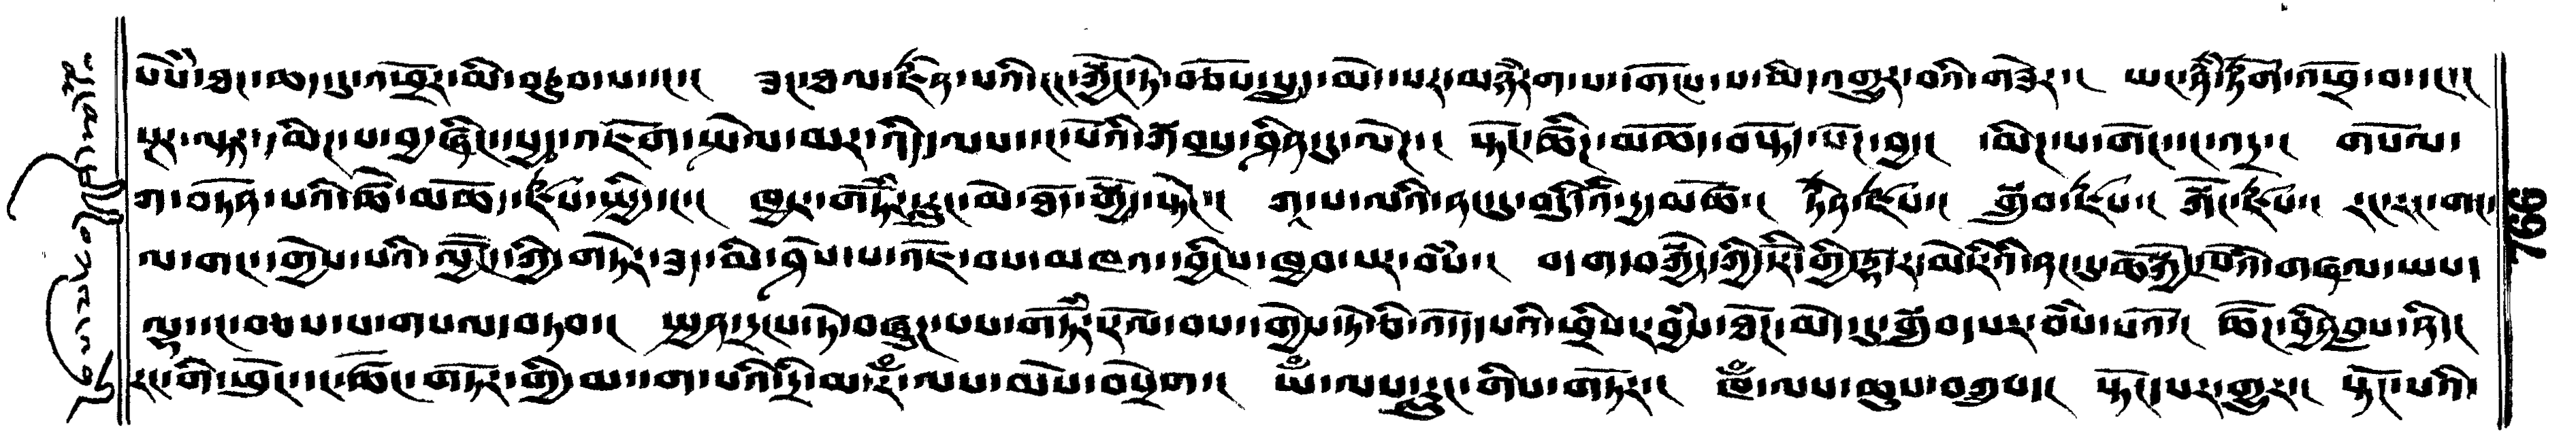སེམས་ཐང་ཆད་དེ་འཕྲོར་མི་བཏུབ་པ་དང་། ཟང་ཐལ་རྗེན་པའི་ངང་སྐྱངས་ཏེ་བཅོས་སླད་མེད་པར་མཉམ་པར་བཞག་པ་དགོངས་པ་མི་འགྱུར་བའི་གཟེར། ཡང་རྣམ་རྟོག་འཕྲོ་བ་དང་། 
སྔར་ལྟར་དམིགས་པ་བྱ་ཞིང་དཔྱད་འཇོག་སྤེལ་མ་འདི་ལས་དང་པོའི་སྐབས་སུ་ཤིན་དུ་ལེགས། སྟོང་ཚིག་མཆོད་བསྟོད་སོགས་བྱ། དམིགས་པ་གོང་དང་འདྲ། གསོལ་
ཀ་འདཽན་པའི་ཚེ་མཆོད་རྫས་སྤྱི་དང་། ཁྱད་པར་གཏོར་མ་རླུང་མེ་ཐོད་སྒྱེད་སྟེང་། ཀཱ་པ་ལའི་ནང་དུ་བདུད་རྩིའི་རྒྱ་མཚོ། རྟེན་རྫས། སྒྲུབ་རྫས། སྐོང་རྫས། རང་རང་གང་
ལ་གང་དགྱེས་པའི་ལོངས་སྤྱོད་ཀྱི་གཏེར་ཟད་མི་ཤེས་པ་འཇོ་བས་མཁའ་དབྱིངས་ཁྱབ་པར་བསམ། བདག་བསྐྱེད་ཀྱི་དཀྱིལ་འཁོར་གྱི་རྡོ་ར་མེ་རིའི་ནང་དུ་ཆོས་སྐྱོང་སོ་སོའི་གཞལ་ཡས་
ལྷ་དང་བཅས་པ་གསལ་བཏབ། སྤྱན་དྲངས་ཏེ་བཞུགས་པས་གཏོར་མ་རོལ་བས་དགྱེས་ཏེ་ཅི་འདོད་པའི་ཕྲིན་ལས་ཐོགས་མེད་དུ་སྒྲུབས་པར་བསམ་པའོ། ཚོགས་བྱིན་རླབས་ནི། 
རང་གི་ཕུང་པོ་དང་ཚོགས་གཏོར་གྱི་མ་དག་པའི་དྲི་མ་རྃ་ལས་མེས་བསྲེག ཡྃ་ལས་རླུང་གིས་གཏོར། ཁྃ་ལས་ཆུས་བཀྲུས། སྟོང་པར་གྱུར། སྟོང་པའི་